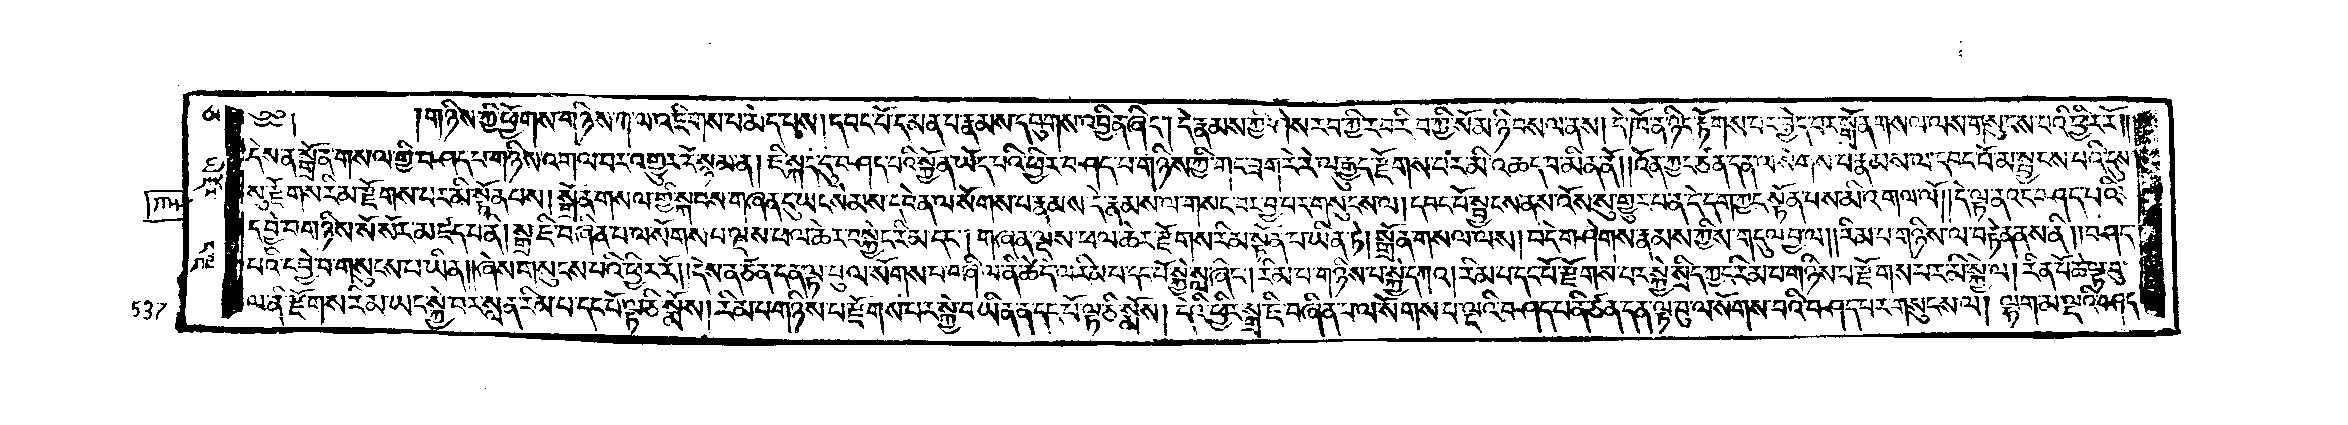༄༅། །གཉིས་ཀྱི་ཕྱོགས་གཉིས་ཀ་ལ་འཇིགས་པ་མེད་པས། དབང་པོ་དམན་པ་རྣམས་དབུགས་འབྱིན་ཞིང་། དེ་རྣམས་ཀྱི་ཤེས་རབ་ཀྱི་རབ་རིབ་ཀྱི་སོམ་ཉི་བསལ་ནས། དེ་ཁོ་ན་ཉིད་རྟོགས་པར་བྱེད་པར་སྒྲོན་གསལ་ལས་གསུངས་པའི་ཕྱིར་རོ། །
དེས་ན་སྒྲོན་གསལ་གྱི་བཤད་པ་གཉིས་འགལ་བར་འགྱུར་རོ་སྙམ་ན། ཇི་སྐད་དུ་བཤད་པའི་སྐྱོན་ཡོད་པའི་ཕྱིར་བཤད་པ་གཉིས་ཀྱི་གང་ཟག་རེ་རེ་ལ་རྒྱུད་རྫོགས་པར་མི་འཆད་བ་མིན་ནོ། །འོན་ཀྱང་ཙན་དན་ལ་སོགས་པ་རྣམས་ལ་དབང་པོ་མ་སྦྱངས་པའི་དུས་
སུ་རྫོགས་རིམ་རྫོགས་པར་མི་སྟོན་པས། སྒྲོན་གསལ་གྱི་སྐབས་གཞན་དུ་ཡང་སེམས་དབེན་ལ་སོགས་པ་རྣམས་དེ་རྣམས་ལ་གསང་བར་བྱ་བར་གསུངས་ལ། དབང་པོ་སྦྱངས་ནས་འོས་སུ་གྱུར་པ་ན་དེ་དག་ཀྱང་སྟོན་པས་མི་འགལ་ལོ། །དེ་ལྟ་ནའང་བཤད་པའི་
དབྱེ་བ་གཉིས་སོ་སོར་མཛད་པ་ནི། སྒྲ་ཇི་བཞིན་པ་ལ་སོགས་པ་ལྔས་ཕལ་ཆེར་བསྐྱེད་རིམ་དང་། གཞན་ལྔས་ཕལ་ཆེར་རྫོགས་རིམ་སྟོན་པ་ཡིན་ཏེ། སྒྲོན་གསལ་ལས། བདེ་གཤེགས་རྣམས་ཀྱིས་གདུལ་བྱ་ལ། །རིམ་པ་གཉིས་ལ་བརྟེན་ནས་ནི། །བཤད་
པའི་དབྱེ་བ་གསུངས་པ་ཡིན། །ཞེས་གསུངས་པའི་ཕྱིར་རོ། །དེས་ན་ཙན་དན་ལྟ་བུ་ལ་སོགས་པ་བཞི་ལ་ནི་ཚེ་དེ་ལ་རིམ་པ་དང་པོ་སྐྱེ་སླ་ཞིང་། རིམ་པ་གཉིས་པ་སྐྱེ་དཀའ། རིམ་པ་དང་པོ་རྫོགས་པར་སྐྱེ་སྲིད་ཀྱང་རིམ་པ་གཉིས་པ་རྫོགས་པར་མི་སྐྱེ་ལ། རིན་པོ་ཆེ་ལྟ་བུ་
ལ་ནི་རྫོགས་རིམ་ཡང་སྐྱེ་བར་སླ་ན་རིམ་པ་དང་པོ་ལྟ་ཅི་སྨོས། རིམ་པ་གཉིས་པ་རྫོགས་པར་སྐྱེ་བ་ཡིན་ན་དང་པོ་ལྟ་ཅི་སྨོས། དེའི་ཕྱིར་སྒྲ་ཇི་བཞིན་པ་ལ་སོགས་པ་ལྔའི་བཤད་པ་ནི་ཙན་དན་ལྟ་བུ་ལ་སོགས་པའི་བཤད་པར་གསུངས་ལ། ལྷག་མ་ལྔའི་བཤད་